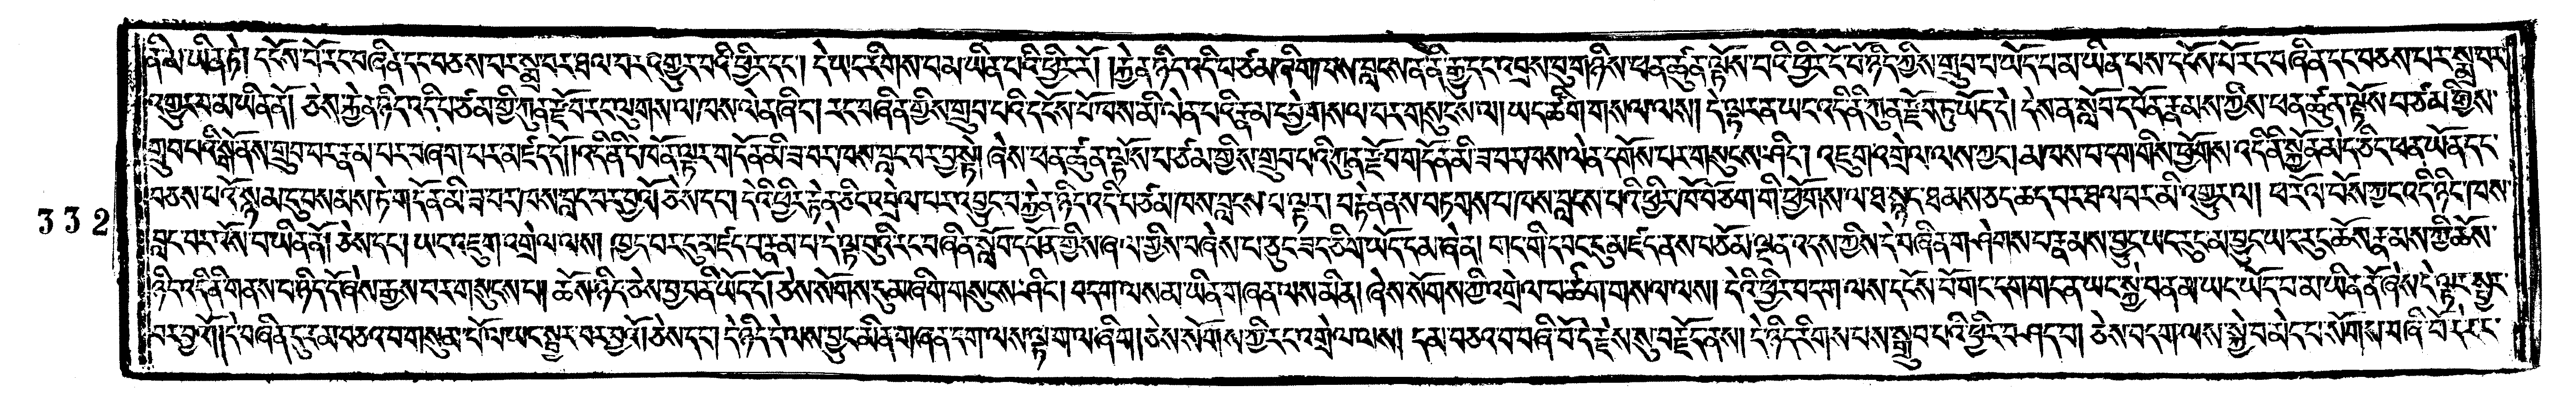ནི་མ་ཡིན་ཏེ། དངོས་པོ་རང་བཞིན་དང་བཅས་པར་སྨྲ་བར་ཐལ་བར་འགྱུར་བའི་ཕྱིར་དང་། དེ་ཡང་རིགས་པ་མ་ཡིན་པའི་ཕྱིར་རོ། །རྐྱེན་ཉིད་འདི་པ་ཙམ་ཞིག་ཁས་བླངས་ན་ནི་རྒྱུ་དང་འབྲས་བུ་གཉིས་ཕན་ཚུན་ལྟོས་པའི་ཕྱིར་ངོ་བོ་ཉིད་ཀྱིས་གྲུབ་པ་ཡོད་པ་མ་ཡིན་པས་དངོས་པོ་རང་བཞིན་དང་བཅས་པར་སྨྲ་བར་
འགྱུར་བ་མ་ཡིན་ནོ། ཅེས་རྐྱེན་ཉིད་འདི་པ་ཙམ་གྱི་ཀུན་རྫོབ་རང་ལུགས་ལ་ཁས་ལེན་ཞིང་། རང་བཞིན་གྱིས་གྲུབ་པའི་དངོས་པོ་ཁས་མི་ལེན་པའི་རྣམ་དབྱེ་གསལ་བར་གསུངས་ལ། ཡང་ཚིག་གསལ་ལས། དེ་ལྟར་ན་ཡང་འདི་ནི་ཀུན་རྫོབ་ཏུ་ཡོད་དེ། དེས་ན་སློབ་དཔོན་རྣམས་ཀྱིས་ཕན་ཚུན་ལྟོས་པ་ཙམ་གྱིས་
གྲུབ་པའི་སྒོ་ནས་གྲུབ་པར་རྣམ་པར་བཞག་པར་མཛད་དོ། །འདི་ནི་དེ་ཁོ་ན་ལྟར་གདོན་མི་ཟ་བར་ཁས་བླང་བར་བྱ་སྟེ། ཞེས་ཕན་ཚུན་ལྟོས་པ་ཙམ་གྱིས་གྲུབ་པའི་ཀུན་རྫོབ་གདོན་མི་ཟ་བར་ཁས་ལེན་དགོས་པར་གསུངས་ཤིང་། འཇུག་འགྲེལ་ལས་ཀྱང་། མཁས་བདག་གིས་ཕྱོགས་འདི་ནི་སྐྱོན་མེད་ཅིང་ཕན་ཡོན་དང་
བཅས་པའོ་སྙམ་དུ་བསམས་ཏེ་གདོན་མི་ཟ་བར་ཁས་བླང་བར་བྱའོ། ཅེས་དང་། དེའི་ཕྱིར་རྟེན་ཅིང་འབྲེལ་པར་འབྱུང་བ་རྐྱེན་ཉིད་འདི་པ་ཙམ་ཁས་བླངས་པ་ལྟར། བརྟེན་ནས་བཏགས་པ་ཁས་བླངས་པའི་ཕྱིར་ཁོ་བོ་ཅག་གི་ཕྱོགས་ལ་ཐ་སྙད་ཐམས་ཅད་ཆད་པར་ཐལ་བར་མི་འགྱུར་ལ། ཕ་རོལ་པོས་ཀྱང་འདི་ཉིད་ཁས་
བླང་བར་འོས་པ་ཡིན་ནོ། ཅེས་དང་། ཡང་འཇུག་འགྲེལ་ལས། ཁྱད་པར་དུ་མཛད་པ་རྣམ་པར་དེ་ལྟ་བུའི་རང་བཞིན་སློབ་དཔོན་གྱིས་ཞལ་གྱིས་བཞེས་པ་ཅུང་ཟད་ཅིག་ཡོད་དམ་ཞེ་ན། གང་གི་དབང་དུ་མཛད་ནས་བཅོམ་ལྡན་འདས་ཀྱིས་དེ་བཞིན་གཤེགས་པ་རྣམས་བྱུང་ཡང་རུང་མ་བྱུང་ཡང་རུང་ཆོས་རྣམས་ཀྱི་ཆོས་
ཉིད་འདི་ནི་གནས་པ་ཉིད་དོ་ཞེས་རྒྱས་པར་གསུངས་པ། ཆོས་ཉིད་ཅེས་བྱ་བ་ནི་ཡོད་དོ། ཅེས་སོགས་དུ་མ་ཞིག་གསུངས་ཤིང་། བདག་ལས་མ་ཡིན་གཞན་ལས་མིན། ཞེས་སོགས་ཀྱི་འགྲེལ་པ་ཚིག་གསལ་ལས། དེའི་ཕྱིར་བདག་ལས་དངོས་པོ་གང་དག་གདན་ཡང་སྐྱེ་བ་ནམ་ཡང་ཡོད་པ་མ་ཡིན་ནོ་ཞེས་དེ་ལྟར་སྤྱར་
བར་བྱའོ། །དེ་བཞིན་དུ་དམ་བཅའ་བ་གསུམ་པོ་ལ་ཡང་སྦྱར་བར་བྱའོ། ཅེས་དང་། དེ་ཉིད་དེ་ལས་བྱུང་མིན་གཞན་དག་ལས་ལྟ་ག་ལ་ཞིག །ཅེས་སོགས་ཀྱི་རང་འགྲེལ་ལས། དམ་བཅའ་བ་བཞི་བོ་དེ་རྗེས་སུ་བརྗོད་ནས། དེ་ཉིད་རིགས་པས་སྒྲུབ་པའི་ཕྱིར་བཤད་པ། ཅེས་བདག་ལས་སྐྱེ་བ་མེད་པ་སོགས་བཞི་ངོ་?་དེ་རང་